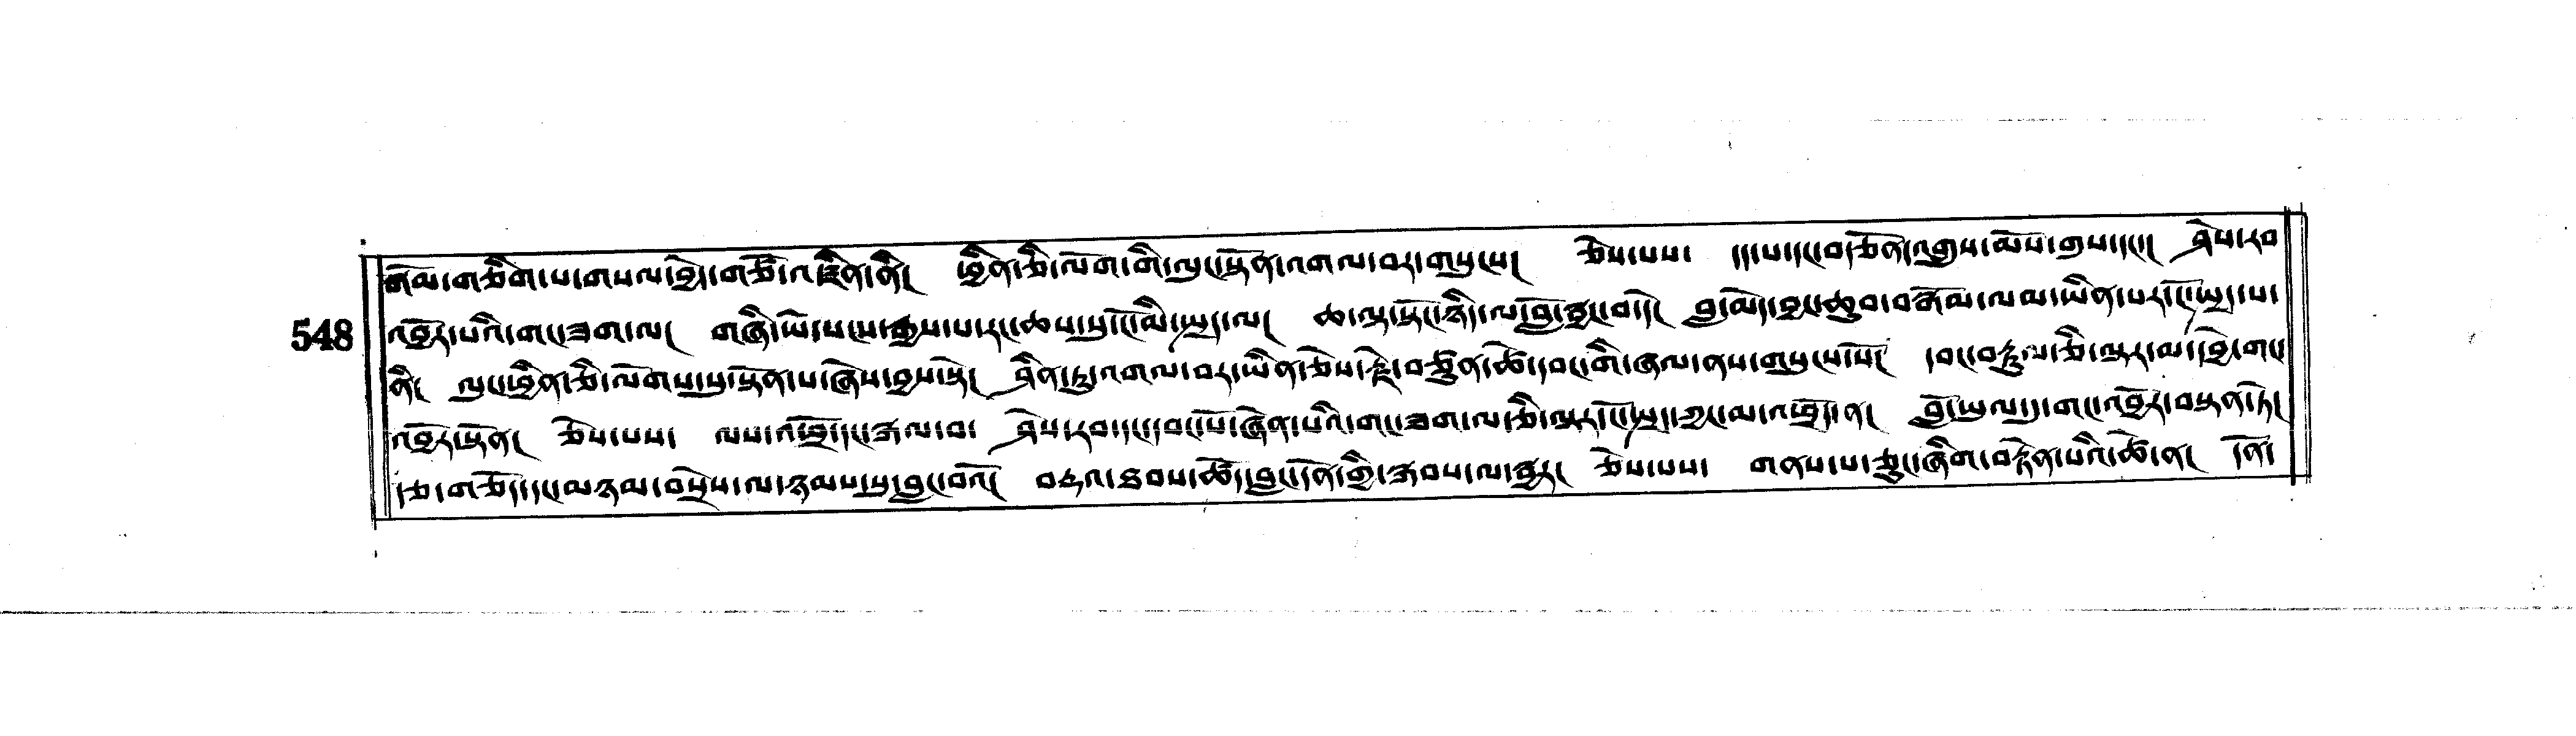གོམས་གཅིག་པ་གསལ་བྱེད་གཙོ་འཛིན་ནི། ཕྱིན་ཅི་ལོག་གི་ལུང་སྟོན་འགལ་བར་གསུངས། ཅེས་པས། དད་པ་དང་བརྩོན་འགྲུས་མོས་གུས་དང་། ཤེས་རབ་
འབྱོར་བའི་གང་ཟག་ལ། གཞི་ཡེ་སངས་རྒྱས་པ་རང་ཆས་སུ་ངོ་མི་སྤྲད་ལ། ཆད་ལྟ་སྟོང་ཉིད་ལ་སྦྱང་བ་དེ། བླ་མེད་བྱང་ཆུབ་སྒོམ་ལམ་ཡིན་པར་ངོ་སྤྲད་པ་
ནི། ལུང་ཕྱིན་ཅི་ལོག་ཏུ་སྟོན་པ་ཞེས་བྱ་སྟེ། ཤིན་ཏུ་འགལ་བ་ཡིན་ཞེས་རྗེ་བཙུན་ཚེ་དབང་གི་ཞལ་ནས་གསུངས་སོ། དབང་རྟུལ་ཅི་ལྟར་མ་དབྱེ་གང་
འབྱོར་སྟོན། ཅེས་པས། ལས་འཕྲོ་དང་སྐལ་པ་ཤེས་རབ་དང་དབང་པོ་ཞན་པའི་གང་ཟག་ལ་ཅི་ལྟར་ངོ་སྤྲད་ཀྱང་མ་འཕྲོད་ན། བློ་ཡུལ་དུ་གང་འབྱོར་བསྟན་ཏེ། 
རྩ་གཅོད་དང་མཉམ་བསྲེས་ལ་ཉམས་སུ་བླང་བའོ། བརྡའ་ཐབས་ཚོད་བླང་དོན་གྱི་སྐབས་ལ་སྦྱར། ཅེས་པས། གནས་པ་ཅུང་ཞིག་བརྟན་པའི་ཚེ་ན། དོན་